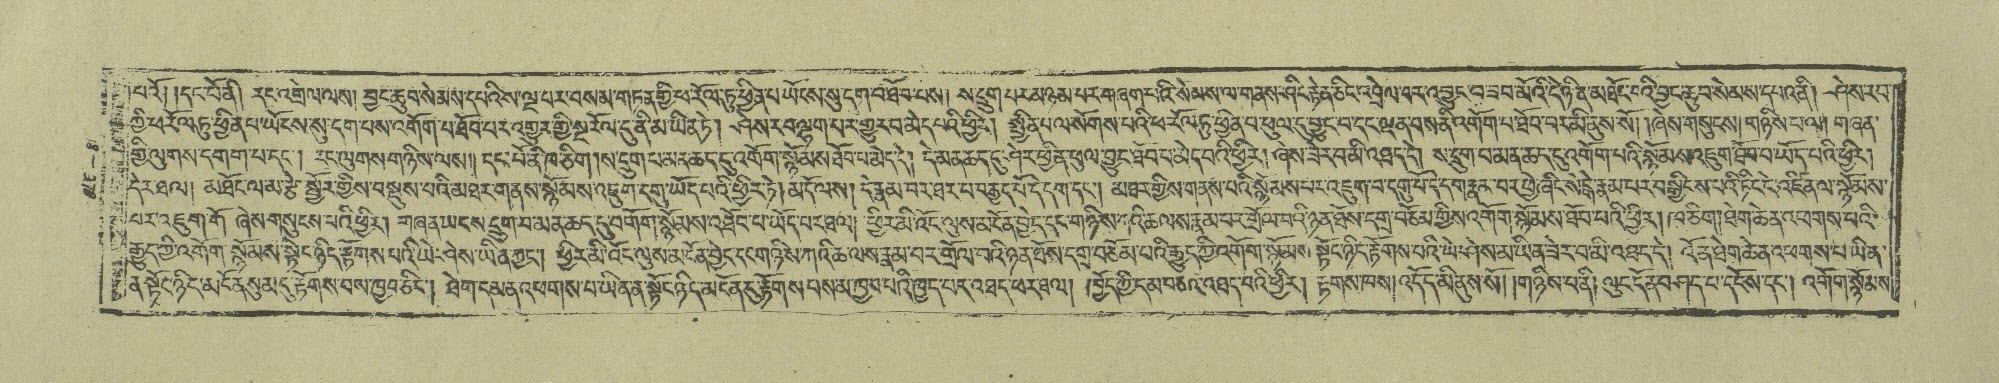པའོ། །དང་པོ་ནི། རང་འགྲེལ་ལས། བྱང་ཆུབ་སེམས་དཔའི་ས་ལྔ་པར་བསམ་གཏན་གྱི་ཕ་རོལ་ཏུ་ཕྱིན་པ་ཡོངས་སུ་དག་པ་ཐོབ་པས། ས་དྲུག་པར་མཉམ་པར་གཞག་པའི་སེམས་ལ་གནས་ཤིང་རྟེན་ཅིང་འབྲེལ་བར་འབྱུང་བ་ཟབ་མོའི་དེ་ཉིད་མཐོང་བའི་བྱང་ཆུབ་སེམས་དཔའ་ནི། ཤེས་རབ་
ཀྱི་ཕ་རོལ་ཏུ་ཕྱིན་པ་ཡོངས་སུ་དག་པས་འགོག་པ་ཐོབ་པར་འགྱུར་གྱི་སྔ་རོལ་དུ་ནི་མ་ཡིན་ཏེ། ཤེས་རབ་ལྷག་པར་གྱུར་པ་མེད་པའི་ཕྱིར། སྦྱིན་པ་ལ་སོགས་པའི་ཕ་རོལ་ཏུ་ཕྱིན་པ་ཕུལ་དུ་བྱུང་བ་དང་ལྡན་པས་ནི་འགོག་པ་ཐོབ་པར་མི་ནུས་སོ། །ཞེས་གསུངས། གཉིས་པ་ལ། གཞན་
གྱི་ལུགས་དགག་པ་དང་། རང་ལུགས་གཉིས་ལས། དང་པོ་ནི་ཁ་ཅིག །ས་དྲུག་པ་མན་ཆད་དུ་འགོག་སྙོམས་ཐོབ་པ་མེད་དེ། དེ་མན་ཆད་དུ་ཤེར་ཕྱིན་ཕུལ་བྱུང་ཐོབ་པ་མེད་པའི་ཕྱིར། ཞེས་ཟེར་བ་མི་འཐད་དེ། ས་དྲུག་པ་མན་ཆད་དུ་འགོག་པའི་སྙོམས་འཇུག་ཐོབ་པ་ཡོད་པའི་ཕྱིར།
དེར་ཐལ། མཐོང་ལམ་རྩེ་སྦྱོར་གྱིས་བསྡུས་པའི་མཐར་གནས་སྙོམས་འཇུག་དགུ་ཡོད་པའི་ཕྱིར་ཏེ། མདོ་ལས། དེ་རྣམ་པར་ཐར་པ་བརྒྱད་པོ་དེ་དག་དང་། མཐར་གྱིས་གནས་པའི་སྙོམས་པར་འཇུག་པ་དགུ་པོ་དེ་དག་རྣམ་པར་ཕྱེ་ཞིང་སེངྒེ་རྣམ་པར་བསྒྱིངས་པའི་ཏིང་ངེ་འཛིན་ལ་སྙོམས་
པར་འཇུག་གོ །ཞེས་གསུངས་པའི་ཕྱིར། གཞན་ཡང་ས་དྲུག་པ་མན་ཆད་དུ་འགོག་སྙོམས་འཐོབ་པ་ཡོད་པར་ཐལ། ཕྱིར་མི་འོང་ལུས་མངོན་བྱེད་དང་གཉིས་ཀའི་ཆ་ལས་རྣམ་པར་གྲོལ་བའི་ཉན་ཐོས་དགྲ་བཅོམ་གྱིས་འགོག་སྙོམས་ཐོབ་པའི་ཕྱིར། ཁ་ཅིག །ཐེག་ཆེན་འཕགས་པའི་
རྒྱུད་ཀྱི་འགོག་སྙོམས་སྟོང་ཉིད་རྟོགས་པའི་ཡེ་ཤེས་ཡིན་ཀྱང་། ཕྱིར་མི་འོང་ལུས་མངོན་བྱེད་དང་གཉིས་ཀའི་ཆ་ལས་རྣམ་པར་གྲོལ་བའི་ཉན་ཐོས་དགྲ་བཅོམ་པའི་རྒྱུད་ཀྱི་འགོག་སྙོམས་སྟོང་ཉིད་རྟོགས་པའི་ཡེ་ཤེས་མ་ཡིན་ཟེར་བ་མི་འཐད་དེ། འོ་ན་ཐེག་ཆེན་འཕགས་པ་ཡིན་
ན་སྟོང་ཉིད་མངོན་སུམ་དུ་རྟོགས་པས་ཁྱབ་ཅིང་། ཐེག་དམན་འཕགས་པ་ཡིན་ན་སྟོང་ཉིད་མངོན་དུ་རྟོགས་པས་མ་ཁྱབ་པའི་ཁྱད་པར་འཐད་པར་ཐལ། ཁྱོད་ཀྱི་དམ་བཅའ་འཐད་པའི་ཕྱིར། རྟགས་ཁས། འདོད་མི་ནུས་སོ། །གཉིས་པ་ནི། ལུང་དོན་བཤད་པ་དངོས་དང་། འགོག་སྙོམས་